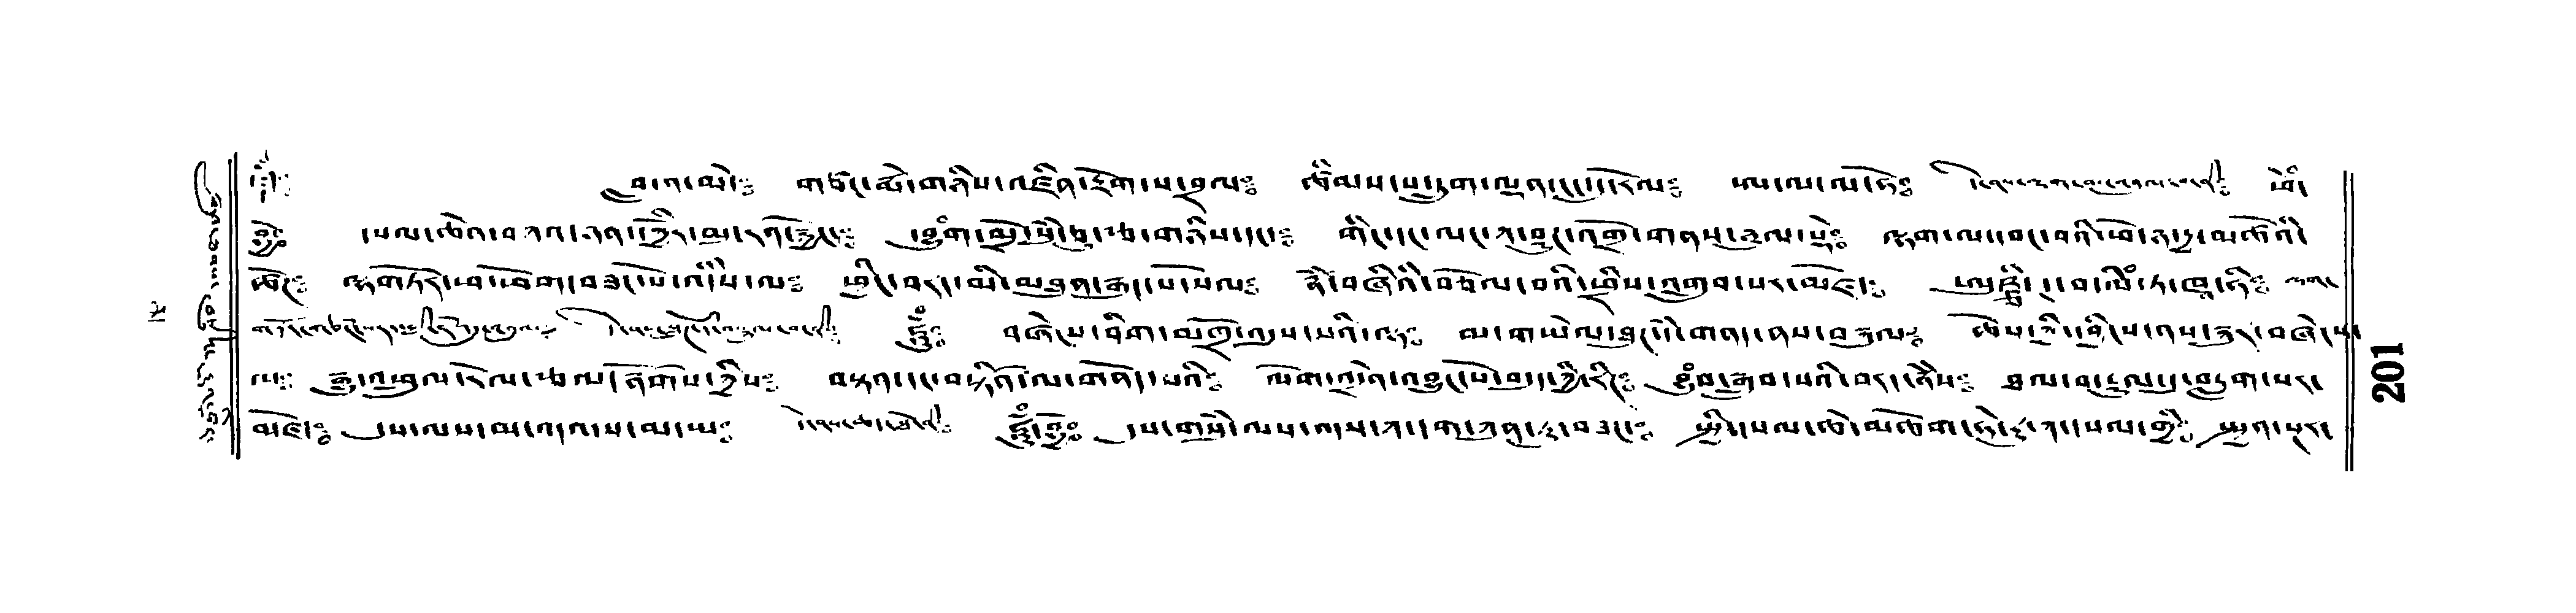བླ་ན་མེད༔ གཙང་རྨེ་གཉིས་འཛིན་རྟོག་པ་བྲལ༔ཚིམས་པ་དྲུག་ལྡན་ངང་དུ་རོལ༔ ཨ་ལ་ལ་ཧོཿ དེ་ནས་ལྷག་མ་འབུལ་བ་ནི༔ ཕེཾ་
བྷྱོ༔ དཔལ་ཆེན་བཀའ་ཉན་དཀྱིལ་འཁོར་མུ་རན་སྐྱོང༔ དབང་ཕྱུག་མཁའ་འགྲོ་སུམ་ཅུ་རྩ་གཉིས་དང༔ གིང་དང་ལང་ཀ་ཤུགས་འགྲོ་གནས་ཉུལ་སྡེ༔ ལྷག་ལ་དབང་བའི་ཕོ་ཉ་རྒྱ་མཆོའི་
ཚོགས༔ ལྷག་གཏོར་ཕ་ཕོག་བཟང་པོ་འདི་བཞེས་ལ༔ ཕྱི་ནང་བར་ཆད་མི་མཐུན་རྒུད་པ་སོལ༔ རྣམ་བཞིའི་བཅོལ་བའི་ཕྲིན་ལས་འགྲུབ་པར་མཛོད༔ ཨུ་ཙྪིཥྚ་བ་ལིཾ་ཏ་ཁཱ་ཧིཿ ལག་
གཏོར་གཙང་སར་ཕྱི་རོལ་དུ་འབུལ༔ དེ་ནས་ཐུགས་དམ་བསྐུལ་བ་ནི༔ ཧཱུྃ༔ བཞེངས་ཤིག་མཁའ་འགྲོ་འདུས་པའི་ལྷ༔ མ་གཡེལ་ཐུགས་དམ་གནད་ནས་བསྐུལ༔ ཆོས་ཀྱི་དབྱིངས་ནས་སྐུར་བཞེངས་
ལ༔ སྒྱུ་འཕྲུལ་རོལ་རྩལ་སྣ་ཚོགས་ཀྱིས༔ བསྟན་དང་བསྟན་འཛིན་ལ་གནོད་པའི༔ ལོག་འདྲེན་འབྱུང་པོ་བདུད་ཀྱི་རིགས༔ བྱང་ཆུབ་སྒྲུབ་པའི་བར་ཆད་རྣམས༔ ཐལ་བ་རྡུལ་དུ་བརླག་པར་
མཛོད༔ དུས་ལས་མ་འདའ་ས་མ་ཡ༔ དེ་ནས་ཆད་ཐོ་ནི༔ ཧཱུྃ་བྷྱོ༔ དུས་གསུམ་ལས་འདས་ཀ་དག་ཀུན་ཏུ་བཟང༔ སྤྱི་དཔལ་ཆེ་མཆོག་ཧེ་རུ་ཀ་དཔལ་གྱི༔ སྤྱན་སྔར་